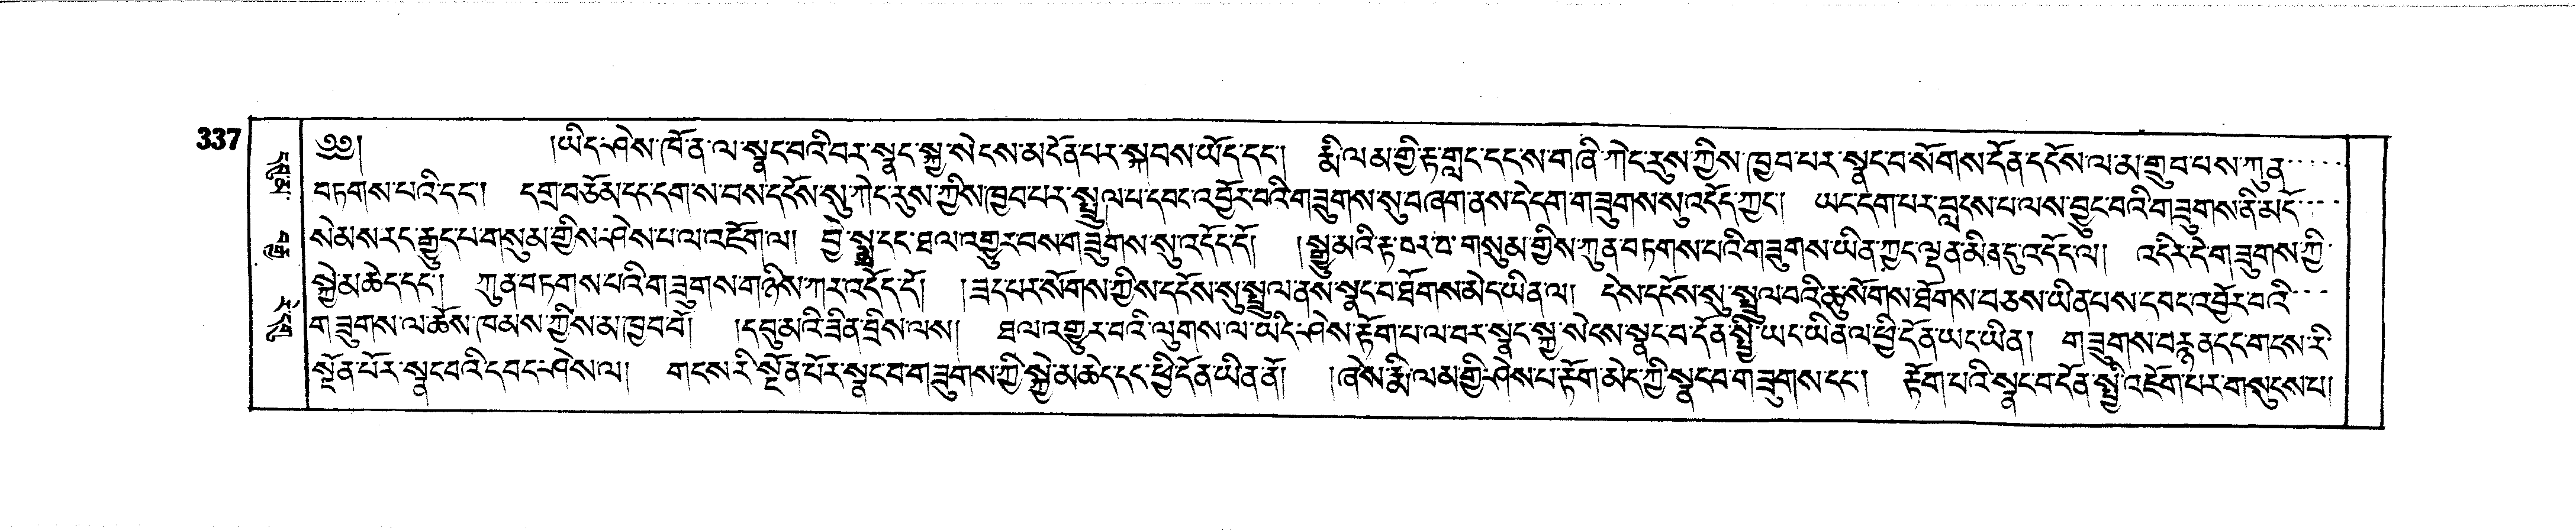༄༅། །ཡིད་ཤེས་ཁོ་ན་ལ་སྣང་བའི་བར་སྣང་སྐྱ་སེངས་མངོན་པར་སྐབས་ཡོད་དང་། རྨི་ལམ་གྱི་རྟ་གླང་དང་ས་གཞི་ཀེང་རུས་ཀྱིས་ཁྱབ་པར་སྣང་བ་སོགས་དོན་དངོས་ལ་མ་གྲུབ་པས་ཀུན་
བཏགས་པའི་དང་། དགྲ་བཅོམ་དང་དག་ས་བས་དངོས་སུ་ཀེང་རུས་ཀྱིས་ཁྱབ་པར་སྤྲུལ་པ་དབང་འབྱོར་བའི་གཟུགས་སུ་བཞག་ནས་དེ་དག་གཟུགས་སུ་འདོད་ཀྱང་། ཡང་དག་པར་བླངས་པ་ལས་བྱུང་བའི་གཟུགས་ནི་མདོ་
སེམས་རང་རྒྱུད་པ་གསུམ་གྱིས་ཤེས་པ་ལ་འཇོག་ལ། བྱེ་སྨྲ་དང་ཐལ་འགྱུར་བས་གཟུགས་སུ་འདོད་དོ། །སྒྱུ་མའི་རྟ་བར་བ་གསུམ་གྱིས་ཀུན་བཏགས་པའི་གཟུགས་ཡིན་ཀྱང་ལྡན་མིན་དུ་འདོད་ལ། འདིར་དེ་གཟུགས་ཀྱི་
སྐྱེ་མཆེད་དང་། ཀུན་བཏགས་པའི་གཟུགས་གཉིས་ཀར་འདོད་དོ། །ཟད་པར་སོགས་ཀྱིས་དངོས་སུ་སྤྲུལ་ནས་སྣང་བ་ཐོགས་མེད་ཡིན་ལ། དེས་དངོས་སུ་སྤྲུལ་བའི་ཆུ་སོགས་ཐོགས་བཅས་ཡིན་པས་དབང་འབྱོར་བའི་
གཟུགས་ལ་ཆོས་ཁམས་ཀྱིས་མ་ཁྱབ་བོ། །དབུ་མའི་ཟིན་བྲིས་ལས། ཐལ་འགྱུར་བའི་ལུགས་ལ་ཡིད་ཤེས་རྟོག་པ་ལ་བར་སྣང་སྐྱ་སེངས་སྣང་བ་དོན་སྤྱི་ཡང་ཡིན་ལ་ཕྱི་དོན་ཡང་ཡིན། གཟུགས་བརྙན་དང་གངས་རི་
སྔོན་པོར་སྣང་བའི་དབང་ཤེས་ལ། གངས་རི་སྔོན་པོར་སྣང་བ་གཟུགས་ཀྱི་སྐྱེ་མཆེད་དང་ཕྱི་དོན་ཡིན་ནོ། །ཞེས་རྨི་ལམ་གྱི་ཤེས་པ་རྟོག་མེད་ཀྱི་སྣང་བ་གཟུགས་དང་། རྟོག་པའི་སྣང་བ་དོན་སྤྱི་འཇོག་པར་གསུངས་པ།